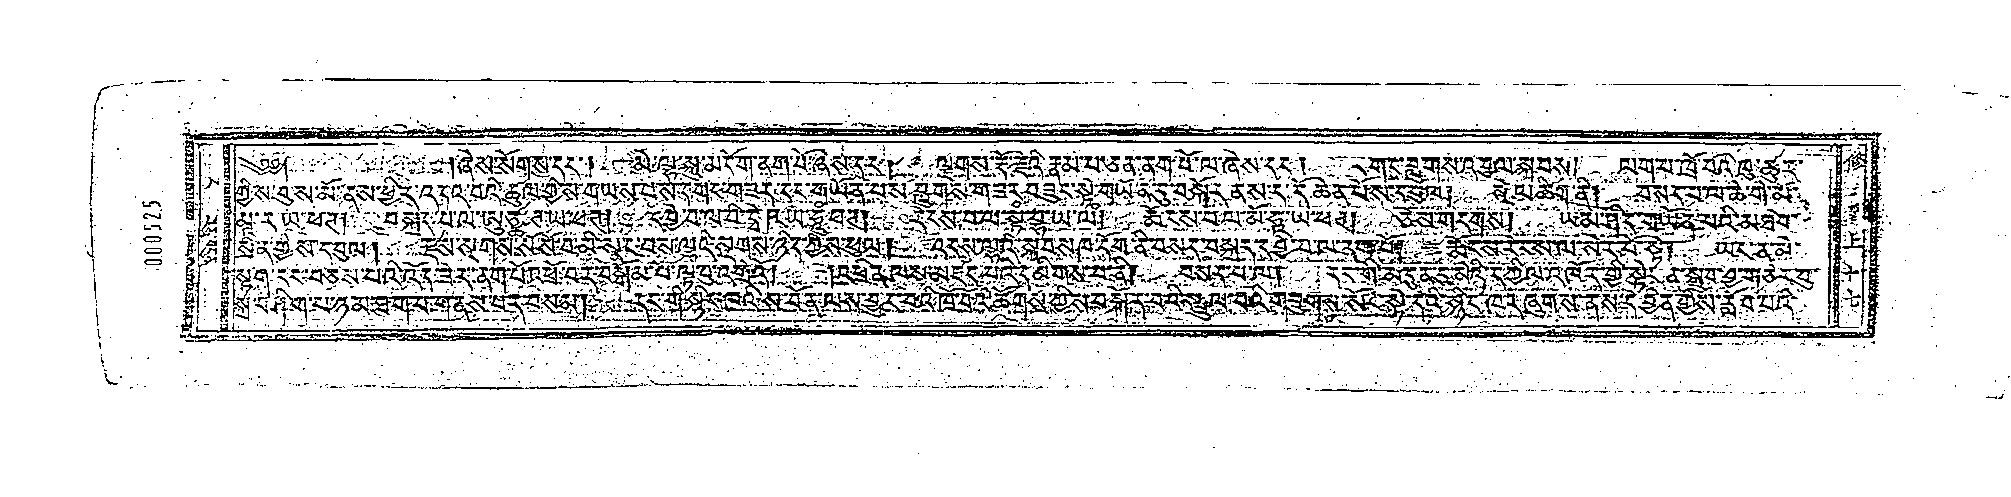༄༅། །ཞེས་སོགས་དང་། མེ་ལྷ་སྐུ་མདོག་ནག་པོ་ཞེས་དང་། ལྗགས་རྡོ་རྗེའི་རྣམ་པ་ཅན་ནག་པོ་ལ་ཞེས་དང་། དགང་བླུགས་འབུལ་སྐབས། ལག་པ་ཁྲོ་བོའི་ཁུ་ཚུར་
གྱིས་བུས་མོ་ནས་ཕྱིར་འདའ་བའི་ཚུལ་གྱིས་གཡས་པས་དགང་གཟང་དང་གཡོན་པས་བླུགས་གཟར་བཟུང་སྟེ་གཡོན་དུ་བསྐོར་ནས་ང་དོ་ཆེན་པོས་དབུལ། སྤེལ་ཚིག་ནི། བསད་པ་ལ་ཆེ་གེ་མོ་
མཱ་ར་ཡ་ཕཊ། བསྐྲད་པ་ལ་ཨུཙྪ་ཊ་ཡ་ཕཊ། དབྱེ་བ་ལ་བེ་དྭེ་ཥ་ཡ་ཧཱུཾ་ཕཊ། རེངས་པ་ལ་སྟཾ་བྷ་ཡ་ལཾ། རྨོངས་པ་ལ་མོ་ཧཱ་ཡ་ཕཊ། ཅེས་གདགས། ཡམ་ཤིང་གཡོན་པའི་མཐེབ་
སྲིན་གྱིས་དབུལ། རྫས་སྔགས་སོ་སོ་བ་མི་སྣང་བས་ལྷའི་སྔགས་ཉིད་ཀྱིས་ཕུལ། འདས་ལྷའི་སྐབས་ཁ་དོག་ནི་བསད་བསྐྲད་དབྱེ་བ་ལ་ནག་པོ། རྨོངས་རེངས་ལ་སེར་པོ་སྟེ། ཡང་ན་མེ་
སྟག་དང་བཅས་པའི་འོད་ཟེར་ནག་པོ་འཕྲོ་བར་བསྒོམ་པ་ལྟ་བུ་འགྲེའོ། །འཕྲིན་ལས་མཛད་པའི་དམིགས་པ་ནི། བསད་པ་ལ། རང་གི་མདུན་དུ་མེའི་དཀྱིལ་འཁོར་གྱི་སྟེང་ན་སྒྲུབ་བྱ་གཅེར་བུ་
སྐྲ་བཤིག་པ་ཉམ་ཐག་པ་གནས་པར་བསམ། རང་གི་སྙིང་ཁའི་ས་བོན་ལས་བྱུང་བའི་ཁྲོ་བོའི་ཚོགས་ཀྱིས་བསྐོར་བའི་སྤྲུལ་བའི་གཟུགས་སོང་སྟེ་དེའི་སྙིང་ཁར་ཞུགས་ནས་དེ་བྱིན་གྱིས་རློབ་པའི་